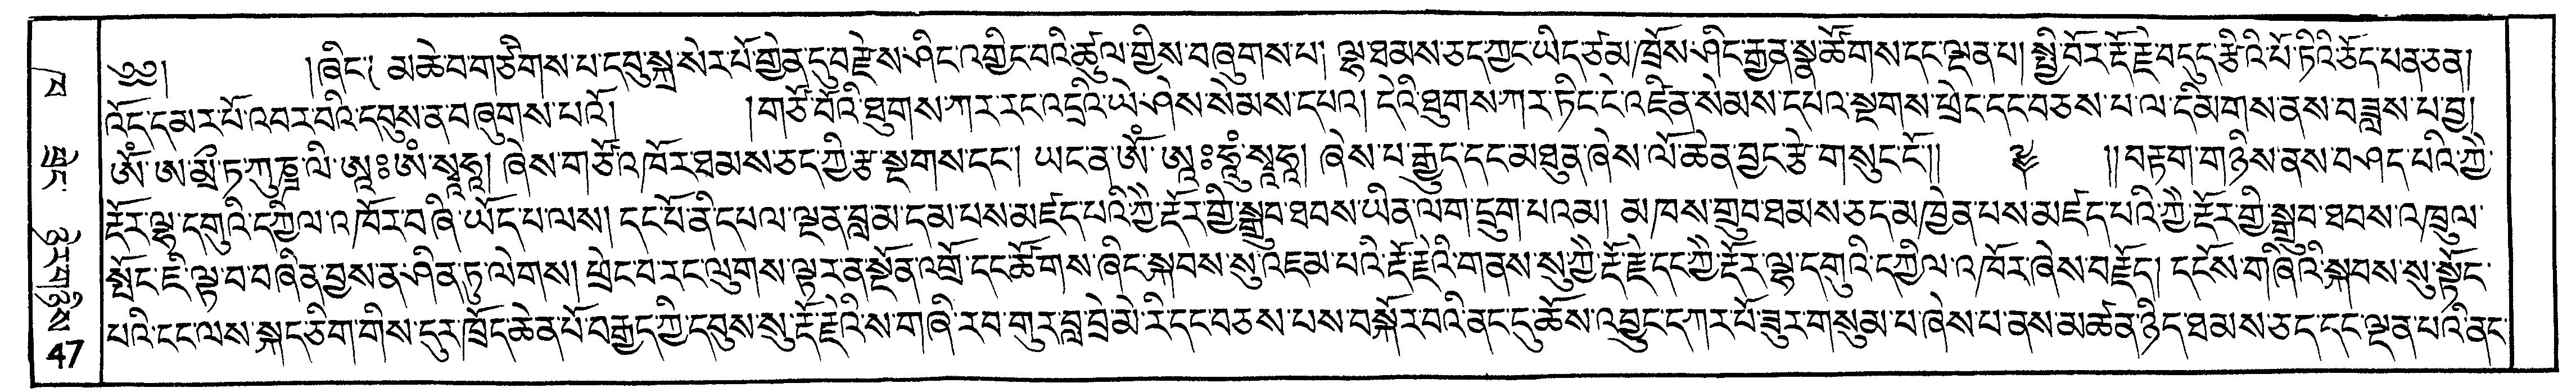༄༅། །ཞིང༑ མཆེ་བ་གཙིགས་པ་དབུ་སྐྲ་སེར་པོ་གྱེན་དུ་བརྫེས་ཤིང་འགྱིང་བའི་ཚུལ་གྱིས་བཞུགས་པ། ལྷ་ཐམས་ཅད་ཀྱང་ཡིད་ཙམ་ཁྲོས་ཤིང་རྒྱན་སྣ་ཚོགས་དང་ལྡན་པ། སྤྱི་བོར་རྡོ་རྗེ་བདུད་རྩིའི་པོ་ཏིའི་ཅོད་པན་ཅན།
འོད་དམར་པོ་འབར་བའི་དབུས་ན་བཞུགས་པའོ། །གཙོ་བོའི་ཐུགས་ཀར་རང་འདྲའི་ཡེ་ཤེས་སེམས་དཔའ། དེའི་ཐུགས་ཀར་ཏིང་ངེ་འཛིན་སེམས་དཔའ་སྔགས་ཕྲེང་དང་བཅས་པ་ལ་དམིགས་ནས་བཟླས་པ་བྱ།
ཨོཾ་ཨ་མྲྀ་ཏ་ཀུཎྜ་ལི་ཨཱཿ ཨཾ་སྭཱཧཱ། ཞེས་གཙོ་འཁོར་ཐམས་ཅད་ཀྱི་རྩ་སྔགས་དང་། ཡང་ན་ཨོཾ་ཨཱཿ ཧཱུཾ་སྭཱཧཱ། ཞེས་པ་རྒྱུད་དང་མཐུན་ཞེས་ལོ་ཆེན་བྱང་རྩེ་གསུང་ངོ།། ༈ །།བརྟག་གཉིས་ནས་བཤད་པའི་ཀྱཻ་
རྡོར་ལྷ་དགུའི་དཀྱིལ་འཁོར་བཞི་ཡོད་པ་ལས། དང་པོ་ནི་དཔལ་ལྡན་བླ་མ་དམ་པས་མཛད་པའི་ཀྱཻ་རྡོར་གྱི་སྒྲུབ་ཐབས་ཡིན་ལག་དྲུག་པའམ། མཁས་གྲུབ་ཐམས་ཅད་མཁྱེན་པས་མཛད་པའི་ཀྱཻ་རྡོར་གྱི་སྒྲུབ་ཐབས་འཁྲུལ་
སྤོང་ཇི་ལྟ་བ་བཞིན་བྱས་ན་ཤིན་ཏུ་ལེགས། ཕྲེང་བ་རང་ལུགས་ལྟར་ན་སྔོན་འགྲོ་དང་ཚོགས་ཞིང་སྐབས་སུ་འཇམ་པའི་རྡོ་རྗེའི་གནས་སུ་ཀྱཻ་རྡོ་རྗེ་དང་ཀྱཻ་རྡོར་ལྷ་དགུའི་དཀྱིལ་འཁོར་ཞེས་བརྗོད། དངོས་གཞིའི་སྐབས་སུ་སྟོང་
པའི་ངང་ལས་སྐད་ཅིག་གིས་དུར་ཁྲོད་ཆེན་པོ་བརྒྱད་ཀྱི་དབུས་སུ་རྡོ་རྗེའི་ས་གཞི་རབ་གུར་བླ་བྲེ་མེ་རི་དང་བཅས་པས་བསྐོར་བའི་ནང་དུ་ཆོས་འབྱུང་དཀར་པོ་ཟུར་གསུམ་པ་ཞེས་པ་ནས་མཚན་ཉིད་ཐམས་ཅད་དང་ལྡན་པའི་ནང་